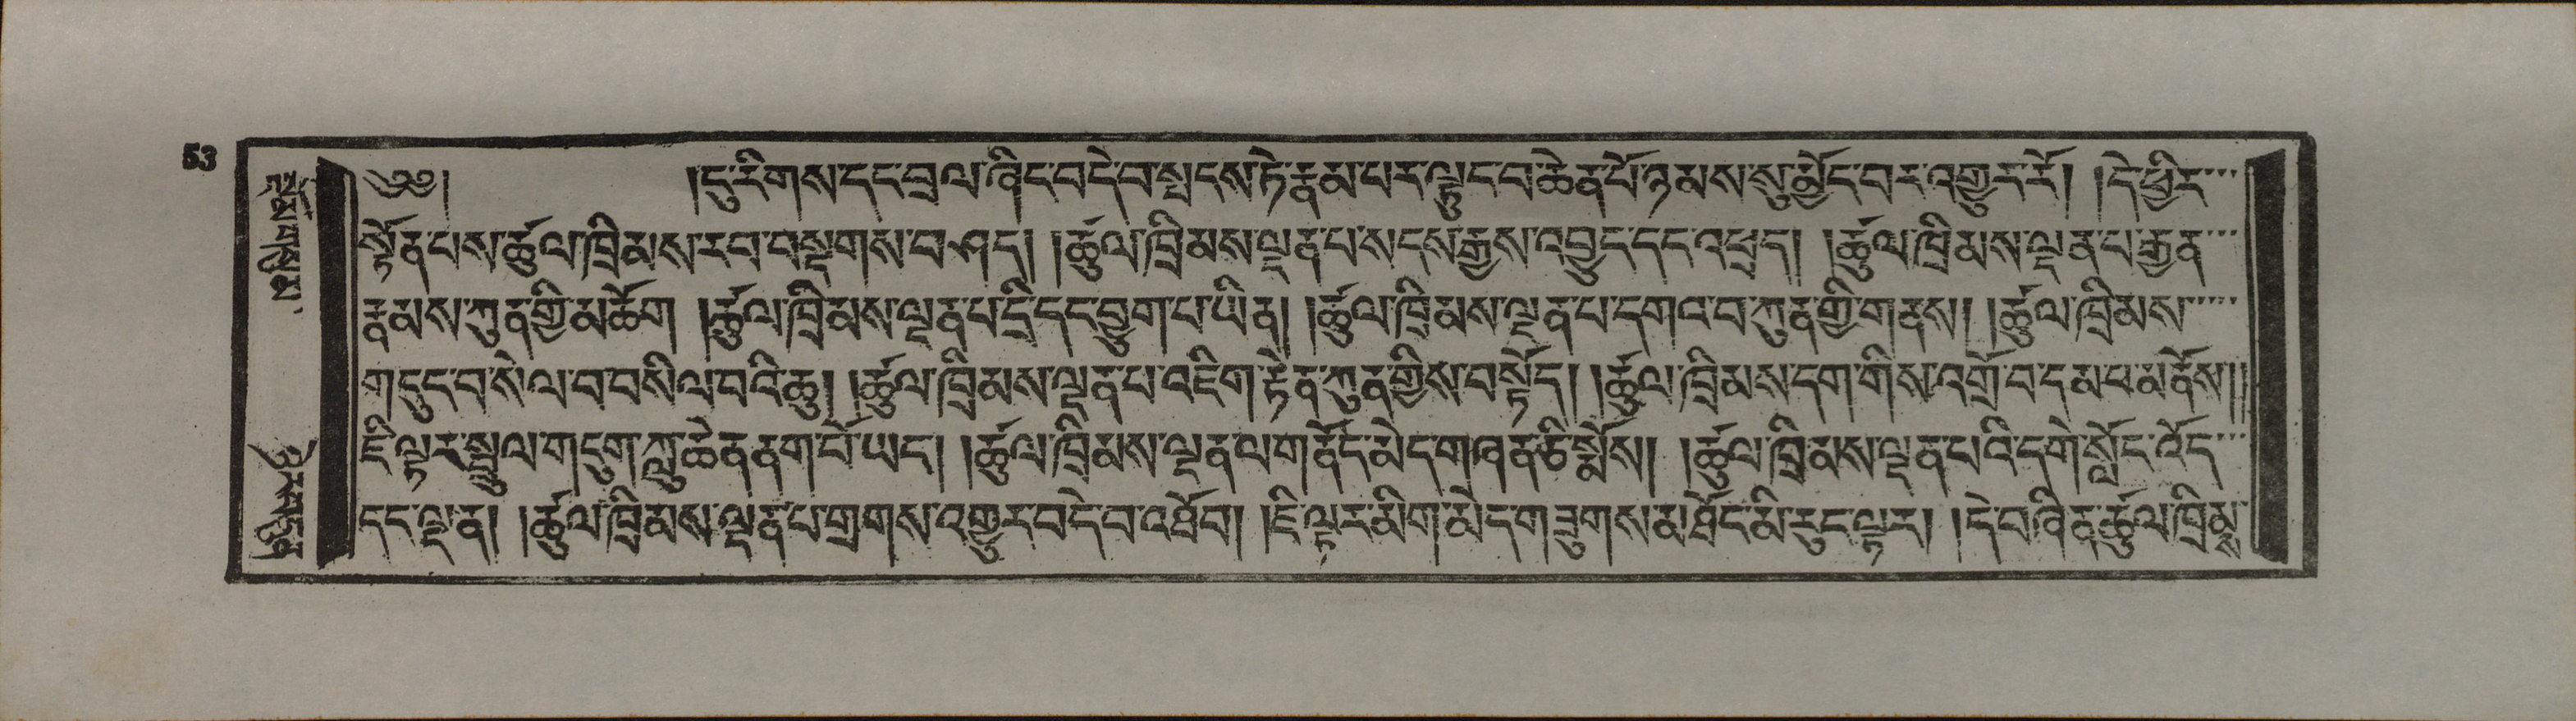༄༅། །དུ་རིགས་དང་བྲལ་ཞིང་བདེ་བ་སྤངས་ཏེ་རྣམ་པར་ལྟུང་བ་ཆེན་པོ་ཉམས་སུ་མྱོང་བར་འགྱུར་རོ། །དེ་ཕྱིར་
སྟོན་པས་ཚུལ་ཁྲིམས་རབ་བསྔགས་བཤད། །ཚུལ་ཁྲིམས་ལྡན་པ་སངས་རྒྱས་འབྱུང་དང་འཕྲད། །ཚུལ་ཁྲིམས་ལྡན་པ་རྒྱན་
རྣམས་ཀུན་གྱི་མཆོག །ཚུལ་ཁྲིམས་ལྡན་པ་དྲི་དང་བྱུག་པ་ཡིན། །ཚུལ་ཁྲིམས་ལྡན་པ་དགའ་བ་ཀུན་གྱི་གནས། །ཚུལ་ཁྲིམས་
གདུང་བ་སེལ་བ་བསིལ་བའི་ཆུ། །ཚུལ་ཁྲིམས་ལྡན་པ་འཇིག་རྟེན་ཀུན་གྱིས་བསྟོད། །ཚུལ་ཁྲིམས་དག་གིས་འགྲོ་བ་དམ་པ་མནོས།།
ཇི་ལྟར་སྦྲུལ་གདུག་ཀླུ་ཆེན་ནག་པོ་ཡང་། །ཚུལ་ཁྲིམས་ལྡན་ལ་གནོད་མེད་གཞན་ཅི་སྨོས། །ཚུལ་ཁྲིམས་ལྡན་པའི་དགེ་སློང་འོད་
དང་ལྡན། །ཚུལ་ཁྲིམས་ལྡན་པ་གྲགས་འགྱུར་བདེ་བ་འཐོབ། །ཇི་ལྟར་མིག་མེད་གཟུགས་མཐོང་མི་རུང་ལྟར། །དེ་བཞིན་ཚུལ་ཁྲིམས་